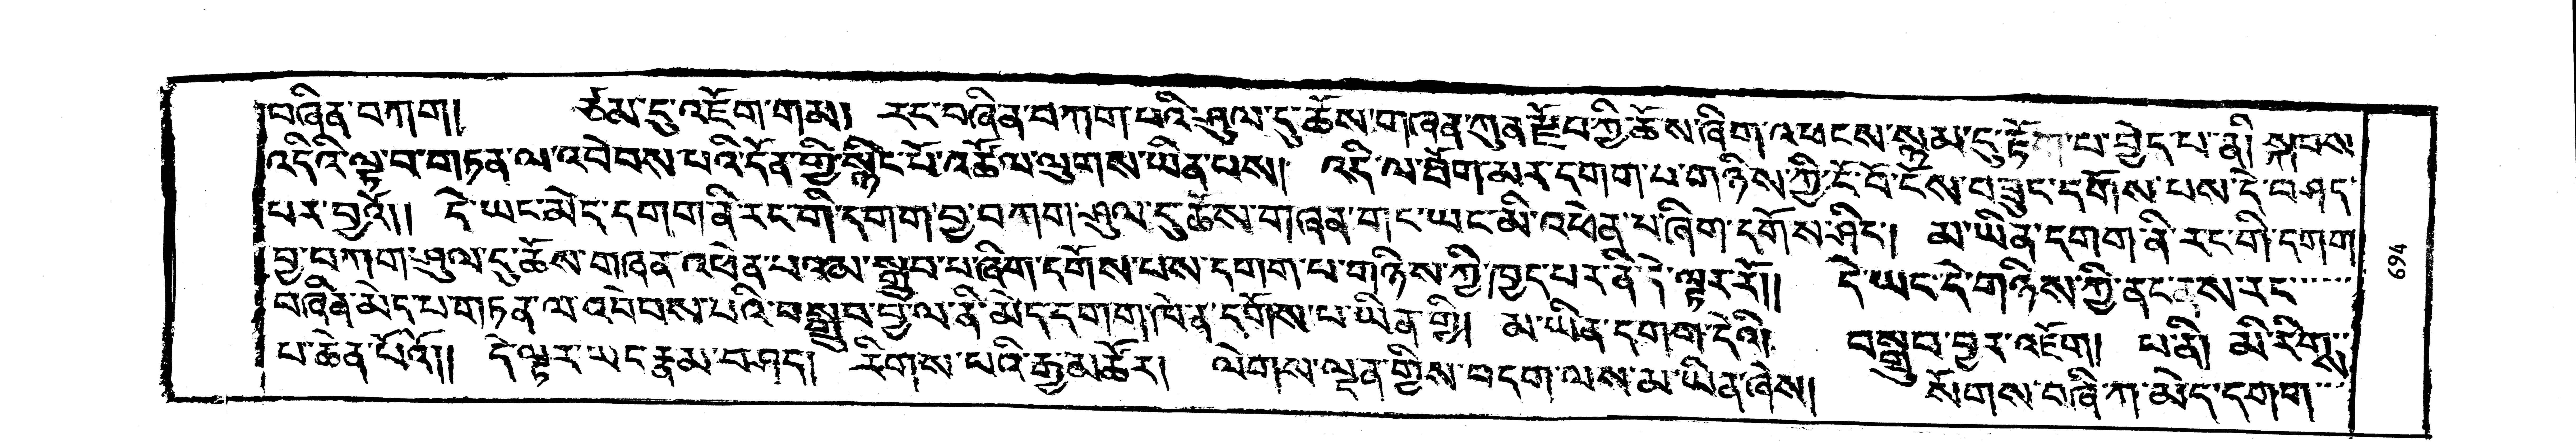བཞིན་བཀག། ཙམ་དུ་འཇོག་གམ། རང་བཞིན་བཀག་པའི་ཤུལ་དུ་ཆོས་གཞན་ཀུན་རྫོབ་ཀྱི་ཆོས་ཞིག་འཕངས་སྙམ་དུ་རྟོག་པ་བྱེད་པ་ནི། སྐབས་
འདིའི་ལྟ་བ་གཏན་ལ་འབེབས་པའི་དོན་གྱི་སྙིང་པོ་འཚོལ་ལུགས་ཡིན་པས། འདི་ལ་ཐོག་མར་དགག་པ་གཉིས་ཀྱི་ངོ་བོ་ངོས་བཟུང་དགོས་པས་དེ་བཤད་
པར་བྱའོ།། དེ་ཡང་མེད་དགག་ནི་རང་གི་དགག་བྱ་བཀག་ཤུལ་དུ་ཆོས་གཞན་གང་ཡང་མི་འཕེན་པ་ཞིག་དགོས་ཤིང་། མ་ཡིན་དགག་ནི་རང་གི་དགག་
བྱ་བཀག་ཤུལ་དུ་ཆོས་གཞན་འཕེན་པའམ་སྒྲུབ་པ་ཞིག་དགོས་པས་དགག་པ་གཉིས་ཀྱི་ཁྱད་པར་ནི་དེ་ལྟར་རོ།། དེ་ཡང་དེ་གཉིས་ཀྱི་ནང་ནས་རང་
བཞིན་མེད་པ་གཏན་ལ་འབེབས་པའི་བསྒྲུབ་བྱ་ལ་ནི་མེད་དགག་ཁོ་ན་དགོས་པ་ཡིན་གྱི། མ་ཡིན་དགག་དེའི། བསྒྲུབ་བྱར་འཇོག། པ་ནི། མི་རིགས་
པ་ཆེན་པོའོ།། དེ་ལྟར་ཡང་རྣམ་བཤད། རིགས་པའི་རྒྱ་མཚོར། ལེགས་ལྡན་གྱིས་བདག་ལས་མ་ཡིན་ཞེས། སོགས་བཞི་ཀ་མེད་དགག་